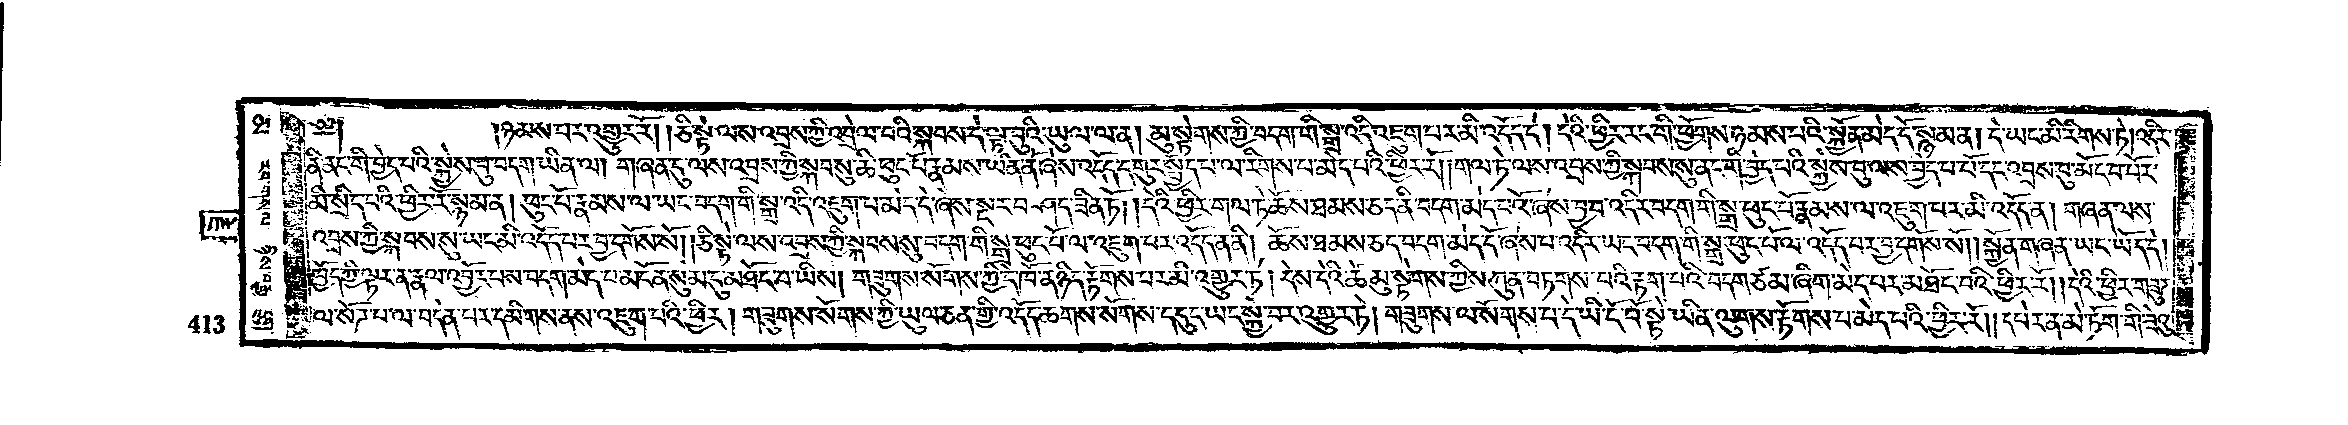༄༅། །དེ་ལྟ་ན་ནི་རང་ཕྱོགས་ཉམས་པར་འགྱུར་རོ། །ཅི་སྟེ་ལས་འབྲས་ཀྱི་འབྲེལ་བའི་སྐབས་དེ་ལྟ་བུའི་ཡུལ་ལ་ནི། མུ་སྟེགས་ཀྱི་བདག་གི་སྒྲ་འདི་འཇུག་པར་མི་འདོད་དེ། དེའི་ཕྱིར་རང་གི་ཕྱོགས་ཉམས་པའི་སྐྱོན་མེད་དོ་སྙམ་ན། དེ་ཡང་མི་རིགས་ཏེ། འདིར་
ནི་ནང་གི་བྱེད་པའི་སྐྱེས་བུ་བདག་ཡིན་ལ། གཞན་དུ་ལས་འབྲས་ཀྱི་སྐབས་སུ་ནི་ཕུང་པོ་རྣམས་ཡིན་ནོ་ཞེས་འདོད་དགུར་སྤྱོད་པ་ལ་རིགས་པ་མེད་པའི་ཕྱིར་རོ། །གལ་ཏེ་ལས་འབྲས་ཀྱི་སྐབས་སུ་ནང་གི་བྱེད་པའི་སྐྱེས་བུ་ལས་བྱེད་པ་པོ་དང་འབྲས་བུ་མྱོང་བ་པོར་
མི་སྲིད་པའི་ཕྱིར་རོ་སྙམ་ན། ཕུང་པོ་རྣམས་ལ་ཡང་བདག་གི་སྒྲ་འདི་འཇུག་པ་མེད་དེ་ཞེས་སྔར་བཤད་ཟིན་ཏོ། །དེའི་ཕྱིར་གལ་ཏེ་ཆོས་ཐམས་ཅད་ནི་བདག་མེད་པའོ་ཞེས་བྱ་བ་འདིར་བདག་གི་སྒྲ་ཕུང་པོ་རྣམས་ལ་འཇུག་པར་མི་འདོད་ན། གཞན་ལས་
འབྲས་ཀྱི་སྐབས་སུ་ཡང་མི་འདོད་པར་བྱ་དགོས་སོ། །ཅི་སྟེ་ལས་འབྲས་ཀྱི་སྐབས་སུ་བདག་གི་སྒྲ་ཕུང་པོ་ལ་འཇུག་པར་འདོད་ན་ནི། ཆོས་ཐམས་ཅད་བདག་མེད་དོ་ཞེས་པ་འདིར་ཡང་བདག་གི་སྒྲ་ཕུང་པོ་ལ་འདོད་པར་བྱ་དགོས་སོ། །སྐྱོན་གཞན་ཡང་ཡོད་དེ།
ཁྱོད་ཀྱི་ལྟར་ན་རྣལ་འབྱོར་པས་བདག་མེད་པ་མངོན་སུམ་དུ་མཐོང་བ་ཡིས། གཟུགས་སོགས་ཀྱི་དེ་ཁོ་ན་ཉིད་རྟོགས་པར་མི་འགྱུར་ཏེ། དེས་དེའི་ཚེ་མུ་སྟེགས་ཀྱིས་ཀུན་བཏགས་པའི་རྟག་པའི་བདག་ཙམ་ཞིག་མེད་པར་མཐོང་བའི་ཕྱིར་རོ། །དེའི་ཕྱིར་གཟུགས་
ལ་སོགས་པ་ལ་བདེན་པར་དམིགས་ནས་འཇུག་པའི་ཕྱིར། གཟུགས་སོགས་ཀྱི་ཡུལ་ཅན་གྱི་འདོད་ཆགས་སོགས་ད་དུང་ཡང་སྐྱེ་བར་འགྱུར་ཏེ། གཟུགས་ལ་སོགས་པ་དེ་ཡི་ངོ་བོ་སྟེ་ཡིན་ལུགས་རྟོགས་པ་མེད་པའི་ཕྱིར་རོ། །དཔེར་ན་མེ་ཏོག་གི་ཟེའུ་